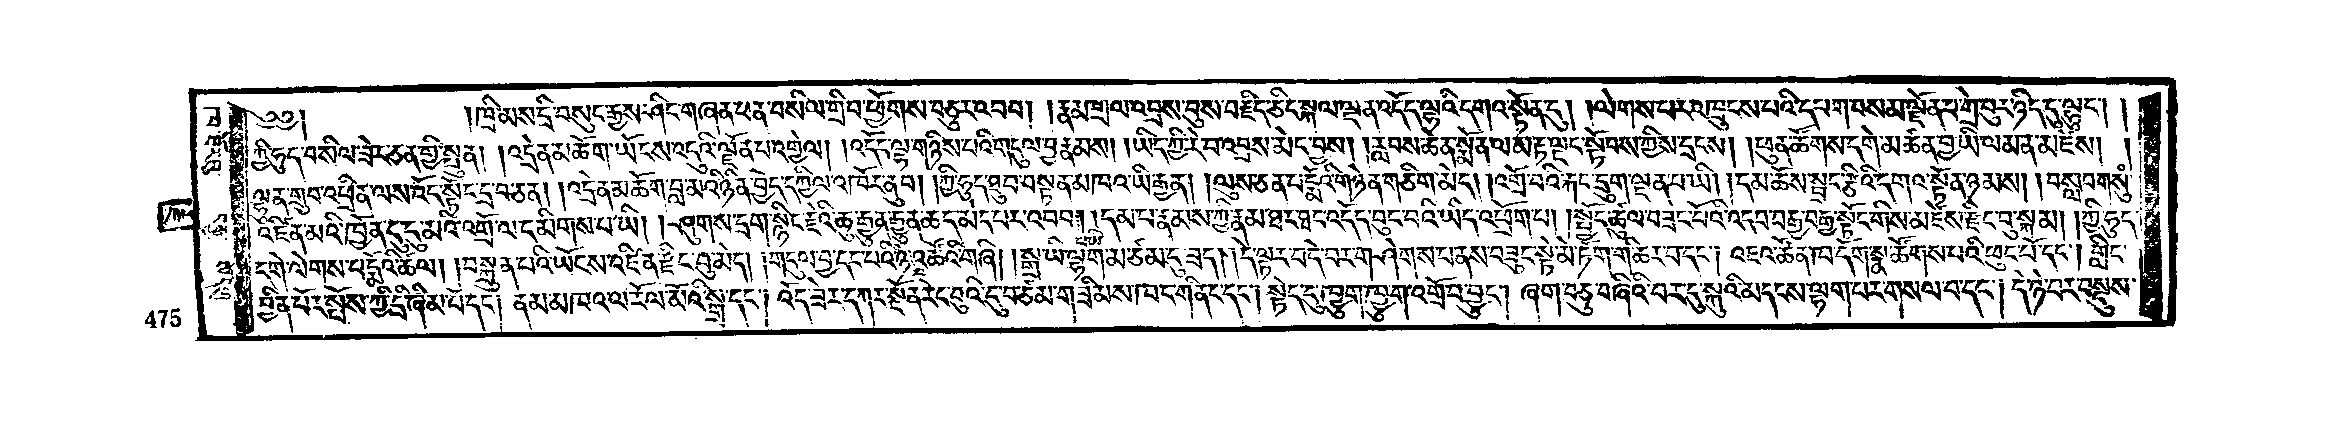༄༅། །ཁྲིམས་དྲི་བསུང་རྒྱས་ཤིང་གཞན་ཕན་བསིལ་གྲིབ་ཕྱོགས་བཅུར་འབབ། །རྣམ་གྲོལ་འབྲས་བུས་བརྗིད་ཅིང་སྐལ་ལྡན་འདོད་ལྷའི་དགའ་སྟོན་དུ། །ལེགས་པར་འཁྲུངས་པའི་དཔག་བསམ་ལྗོན་པ་གྲེ་བུར་ཉིད་དུ་ལྷུང་། །
ཀྱི་ཧུད་བསིལ་ཟེར་ཅན་གྱི་སྤུན། །འདྲེན་མཆོག་ཡོངས་འདུའི་ལྗོན་པ་འགྱེལ། །འདོད་ལྷ་གཉིས་པའི་གདུལ་བྱ་རྣམས། །ཡིད་ཀྱི་རེ་བ་འབྲས་མེད་བྱས། །རླབས་ཆེན་སྨོན་ལམ་རྟ་ལྗང་སྟོབས་ཀྱིས་དྲངས། །ཕུན་ཚོགས་དགེ་མཚན་བྱ་ཡི་ལམ་ན་མཛེས།
ལྷུན་གྲུབ་འཕྲིན་ལས་འོད་སྟེང་དྲ་བ་ཅན། །འདྲེན་མཆོག་བླ་མའི་ཉིན་བྱེད་དཀྱིལ་འཁོར་ནུབ། །ཀྱི་ཧུད་ཐུབ་བསྟན་མཁའ་ཡི་རྒྱན། །ལུས་ཅན་པདམོའི་གཉེན་གཅིག་མེད། །འགྲོ་བའི་རྐང་དྲུག་ལྡན་པ་ཡི། །དམ་ཆོས་སྦྲང་རྩིའི་དགའ་སྟོན་ཉམས། །བསླབ་གསུམ་
འཛིན་མའི་ཁྱོན་དུ་དུ་མའི་འགྲོ་ལ་དམིགས་པ་ཡི། །ཤུགས་དྲག་སྙིང་རྗེའི་ཆུ་རྒྱུན་རྒྱུན་ཆད་མེད་པར་འབབ་པ་ཡི། །དམ་པ་རྣམས་ཀྱི་རྣམ་ཐར་ཐང་འདོད་བུང་བའི་ཡིད་འཕྲོག་པ། །སྤྱོད་ཚུལ་བཟང་པོའི་འདབ་བརྒྱ་བརྒྱ་སྟོང་གིས་མཛེས་རྫིང་བུ་སྐམ། །ཀྱི་ཧུད་
དགེ་ལེགས་པདམོའི་ཚལ། །བསྐྲུན་པའི་ཡོངས་འཛིན་རྫིང་བུ་མེད། །གདུལ་བྱ་དང་པའི་ཉེར་འཚོའི་གཞི། །སྒྲ་ཡི་ལྷག་མ་ཙམ་དུ་ཟད། །ད་ལྟར་བདེ་བར་གཤེགས་པ་ནས་བཟུང་སྟེ་མེ་ཏོག་གི་ཆར་པ་དང་། འཇའ་ཚོན་ཁ་དོག་སྣ་ཚོགས་པའི་ཕུང་པོ་དང་། གླིང་
བྱིན་པོར་སྤོས་ཀྱི་དྲི་ཞིམ་པོ་དང་། ནམ་མཁའ་ལ་རོལ་མོའི་སྒྲ་དང་། འོད་ཟེར་དཀར་སྔོན་རེང་བུའི་དུ་པ་ཙམ་གཟིམས་ཁང་གི་ནང་དང་། སྟེང་དུ་ཁྱུག་ཁྱུག་འགྲོ་བ་བྱུང་། ཞག་བཅུ་བཞིའི་བར་དུ་སྐུའི་མདངས་ལྷག་པར་གསལ་བ་དང་། དེ་ཉེ་བར་བསྡུས་